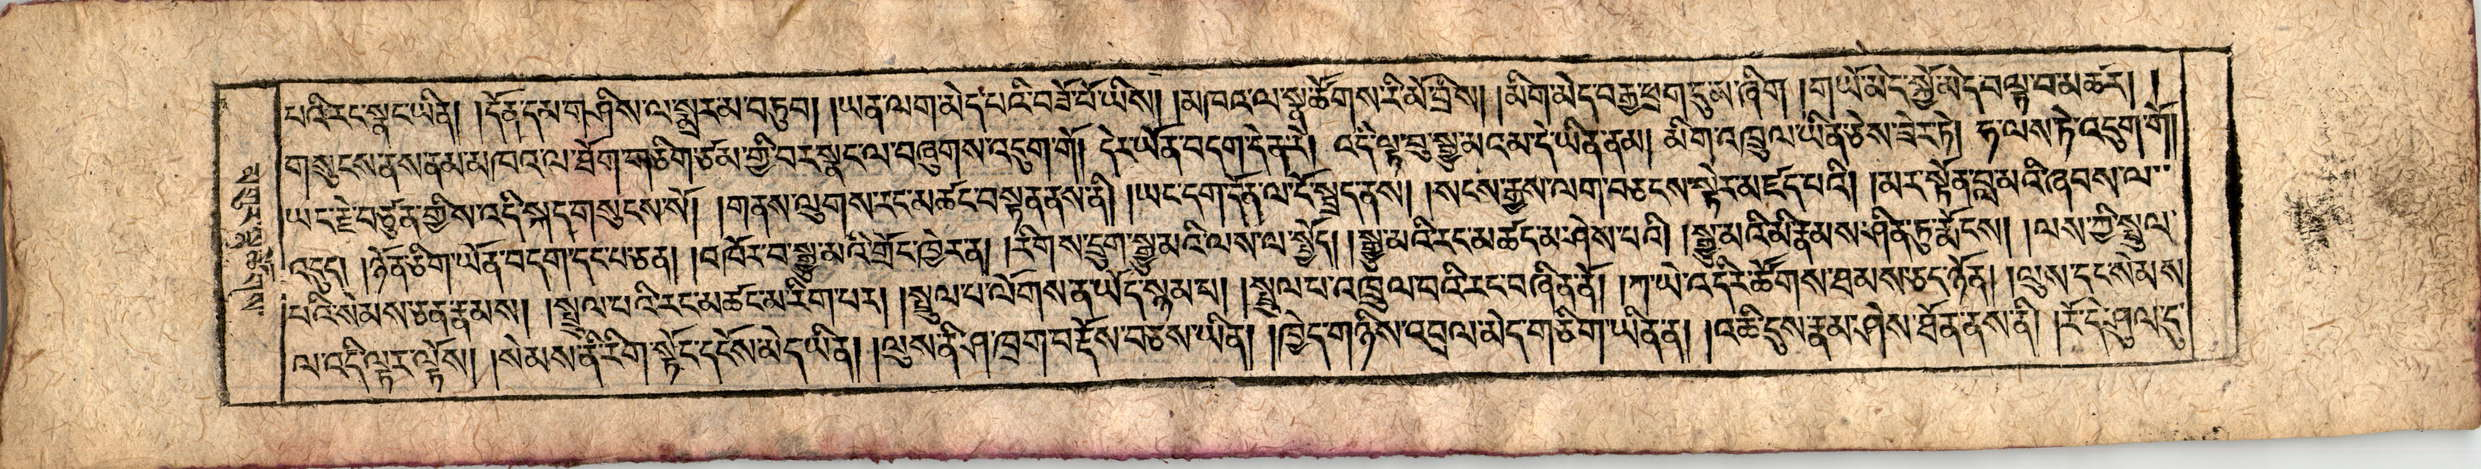པའི་རང་སྣང་ཡིན། །དོན་དམ་གཤིས་ལ་སླར་མ་བཏུབ། །ཡན་ལག་མེད་པའི་བཟོ་བོ་ཡིས། །མཁའ་ལ་སྣ་ཚོགས་རི་མོ་བྲིས། །མིག་མེད་བརྒྱ་ཕྲག་དུ་མ་ཞིག །གཡོ་མེད་སྩོལ་མེད་བལྟ་བ་མཚར། །
གསུངས་ནས་ནམ་མཁའ་ལ་ཐོག་གཅིག་ཙམ་གྱི་བར་སྣང་ལ་བཞུགས་འདུག་གོ། དེར་ཡོན་བདག་དེ་ན་རེ། འདི་ལྟ་བུ་སྒྱུ་མའམ་དེ་ཡིན་ནམ། མིག་འཁྲུལ་ཡིན་ཅེས་ཟེར་ཏེ། ཧ་ལས་ཏེ་འདུག་གོ། 
ཡང་རྗེ་བཙུན་གྱིས་འདི་སྐད་གསུངས་སོ། །གནས་ལུགས་རང་མཚང་བསྟན་ནས་ནི། །ཡང་དག་དོན་ལ་ངོ་སྦྲད་ནས། །སངས་རྒྱས་ལག་བཅངས་སྟེར་མཛད་པའི། །མར་སྟོན་བླ་མའི་ཞབས་ལ་
འདུད། །ཉོན་ཅིག་ཡོན་བདག་དད་པ་ཅན། །འཁོར་བ་སྒྱུ་མའི་གྲོང་ཁྱེར་ན། །རིགས་དྲུག་སྒྱུ་མའི་ལས་ལ་སྤྱོད། །སྒྱུ་མའི་རང་མཚན་མ་ཤེས་པའི། །སྒྱུ་མའི་མི་རྣམས་ཤིན་ཏུ་རྨོངས། །ལས་ཀྱི་སྤྲུལ་
པའི་སེམས་ཅན་རྣམས། །སྤྲུལ་པའི་རང་མཚང་མ་རིག་པར། །སྤྲུལ་པ་ལོགས་ན་ཡོད་སྙམ་པ། །སྤྲུལ་པ་འཁྲུལ་བའི་རང་བཞིན་ནོ། །ཀྭ་ཡེ་འདིར་ཚོགས་ཐམས་ཅད་ཉོན། །ལུས་དང་སེམས་
ལ་འདི་ལྟར་ལྟོས། །སེམས་ནི་རིག་སྟོང་དངོས་མེད་ཡིན། །ལུས་ཀྱི་ཤ་ཁྲག་བརྡོས་བཅས་ཡིན། །ཁྱེད་གཉིས་འབྲལ་མེད་གཅིག་ཡིན་ན། །འཆི་དུས་རྣམ་ཤེས་ཐོན་ནས་ནི། །རོ་དེ་ཤུལ་དུ་